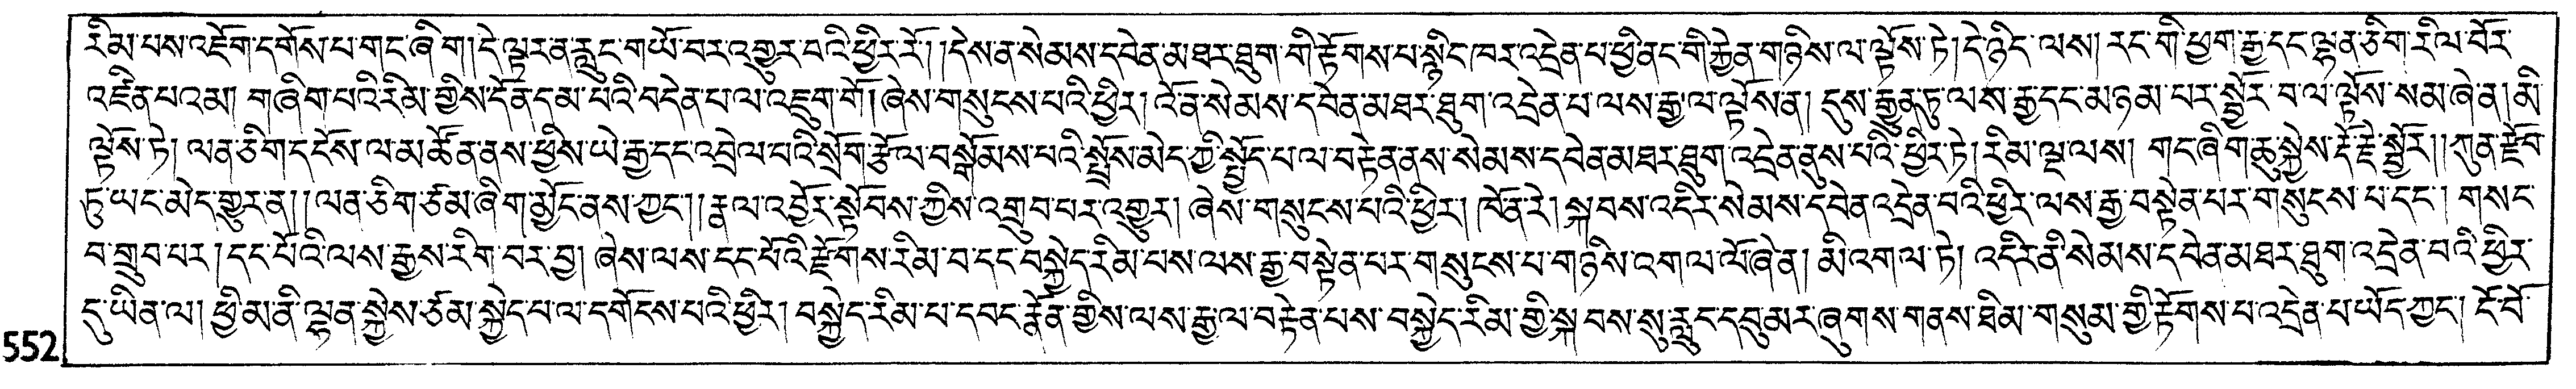རིམ་པས་འཇོག་དགོས་པ་གང་ཞིག །དེ་ལྟར་ན་རླུང་གཡོ་བར་འགྱུར་བའི་ཕྱིར་རོ། །དེས་ན་སེམས་དབེན་མཐར་ཐུག་གི་རྟོགས་པ་སྙིང་ཁར་འདྲེན་པ་ཕྱི་ནང་གི་རྐྱེན་གཉིས་ལ་ལྟོས་ཏེ། དེ་ཉིད་ལས། རང་གི་ཕྱག་རྒྱ་དང་ལྷན་ཅིག་རིལ་བོར་
འཛིན་པའམ། གཞིག་པའི་རིམ་གྱིས་དོན་དམ་པའི་བདེན་པ་ལ་འཇུག་གོ །ཞེས་གསུངས་པའི་ཕྱིར། འོ་ན་སེམས་དབེན་མཐར་ཐུག་འདྲེན་པ་ལས་རྒྱ་ལ་ལྟོས་ན། དུས་རྒྱུན་ཏུ་ལས་རྒྱ་དང་མཉམ་པར་སྦྱོར་བ་ལ་ལྟོས་སམ་ཞེ་ན། མི་
ལྟོས་ཏེ། ལན་ཅིག་དངོས་ལ་མཚོན་ནས་ཕྱིས་ཡེ་རྒྱ་དང་འབྲེལ་པའི་སྲོག་རྩོལ་བསྒོམས་པའི་སྤྲོས་མེད་ཀྱི་སྤྱོད་པ་ལ་བརྟེན་ནས་སེམས་དབེན་མཐར་ཐུག་འདྲེན་ནུས་པའི་ཕྱིར་ཏེ། རིམ་ལྔ་ལས། གང་ཞིག་ཆུ་སྐྱེས་རྡོ་རྗེ་སྦྱོར། །ཀུན་རྫོབ་
ཏུ་ཡང་མེད་གྱུར་ན། །ལན་ཅིག་ཙམ་ཞིག་མྱོང་ནས་ཀྱང་། །རྣལ་འབྱོར་སྟོབས་ཀྱིས་འགྲུབ་པར་འགྱུར། ཞེས་གསུངས་པའི་ཕྱིར། ཁོ་ན་རེ། སྐབས་འདིར་སེམས་དབེན་འདྲེན་པའི་ཕྱིར་ལས་རྒྱ་བསྟེན་པར་གསུངས་པ་དང་། གསང་
བ་གྲུབ་པར། དང་པོའི་ལས་རྒྱས་རིག་པར་བྱ། ཞེས་ལས་དང་པོའི་རྫོགས་རིམ་པ་དང་བསྐྱེད་རིམ་པས་ལས་རྒྱ་བསྟེན་པར་གསུངས་པ་གཉིས་འགལ་ལོ་ཞེ་ན། མི་འགལ་ཏེ། འདིར་ནི་སེམས་དབེན་མཐར་ཐུག་འདྲེན་པའི་ཕྱིར་
དུ་ཡིན་ལ། ཕྱི་མ་ནི་ལྷན་སྐྱེས་ཙམ་སྐྱེད་པ་ལ་དགོངས་པའི་ཕྱིར། བསྐྱེད་རིམ་པ་དབང་རྣོན་གྱིས་ལས་རྒྱ་ལ་བརྟེན་པས་བསྐྱེད་རིམ་གྱི་སྐབས་སུ་རླུང་དབུ་མར་ཞུགས་གནས་ཐིམ་གསུམ་གྱི་རྟོགས་པ་འདྲེན་པ་ཡོད་ཀྱང་། ངོ་བོ་